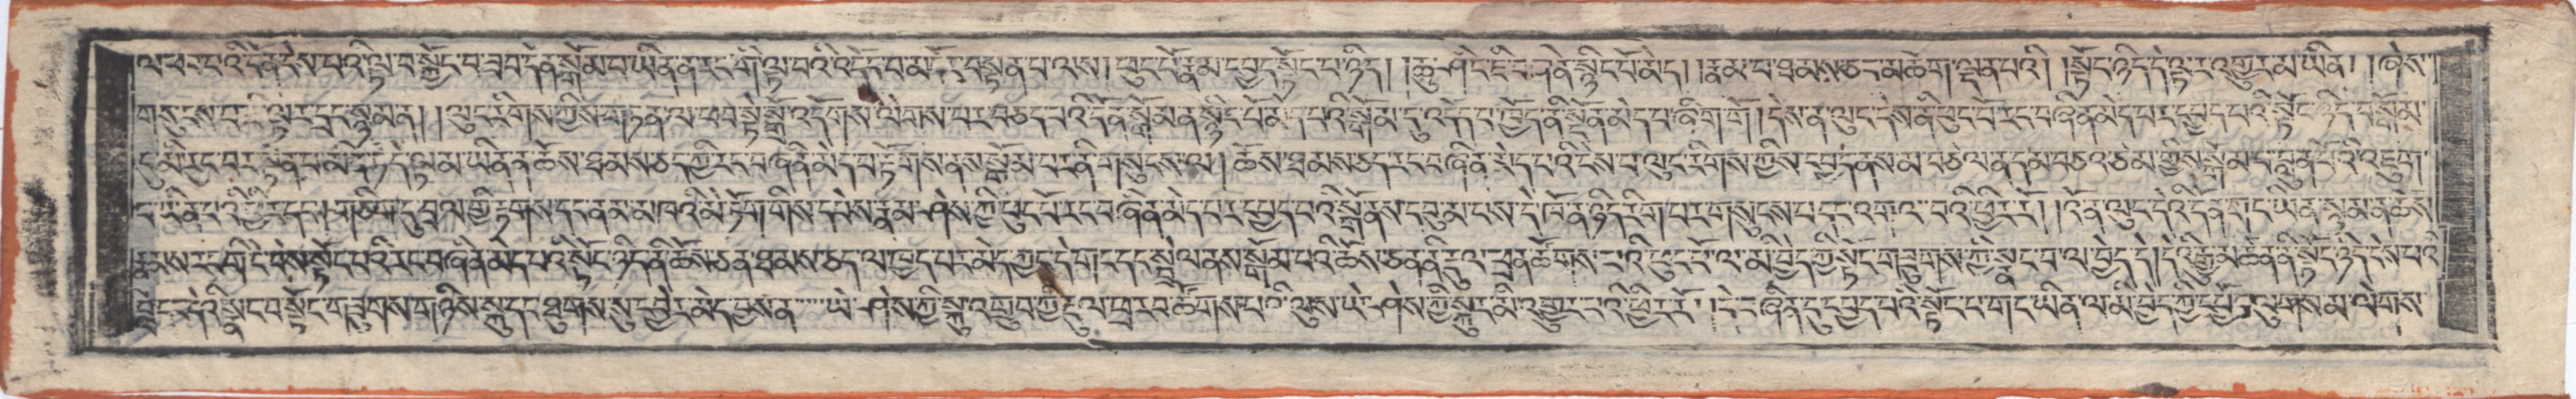ལ་ཕབ་པའི་དོན་ངེས་པའི་ལྟ་བ་སྐྱོང་བ་ཟབ་དོན་སྒོམ་པ་ཡིན་ན་རང་གི་ལྟ་བའི་འདོད་པ་མདོར་བསྟན་པ་ལས། ཕུང་པོ་རྣམ་དཔྱད་སྟོང་པ་ཉིད། །ཆུ་ཤིང་ཇི་བཞིན་སྙིང་པོ་མེད། །རྣམ་པ་ཐམས་ཅད་མཆོག་ལྡན་པའི། །སྟོང་ཉིད་དེ་ལྟར་འགྱུར་མ་ཡིན། །ཞེས་
གསུངས་པ་ཇི་ལྟར་དྲང་སྙམ་ན། །ལུང་རིགས་ཀྱིས་གཏན་ལ་ཕབ་སྟེ་སྒྲོ་འདོགས་ལེགས་པར་བཅད་པའི་དོན་སྒོམ་ན་སྙིང་པོ་མེད་པའི་སྒོམ་དུ་འདོད་པ་ཁྱོད་ནི་སྔོན་མེད་པ་ཞིག་གོ །དེས་ན་ལུང་དེས་ནི་ཕུང་པོ་རང་བཞིན་མེད་པར་དཔྱད་པའི་སྟོང་ཉིད་བསྒོམ་
དུ་མི་རུང་བར་སྟོན་པ་མིན་ཏེ་དེ་ལྟ་མ་ཡིན་ན་ཆོས་ཐམས་ཅད་ཀྱི་རང་བཞིན་མེད་པ་རྟོགས་ནས་སྒོམ་པར་ནི་གསུངས་ལ། ཆོས་ཐམས་ཅད་རང་བཞིན་མེད་པའི་ངེས་པ་ལུང་རིགས་ཀྱིས་དཔྱད་ནས་མ་བཙལ་ན་དམ་བཅའ་ཙམ་གྱིས་སྒོམ་པ་བླུན་པོའི་འཇུག་
པ་ཡིན་པའི་ཕྱིར་དང་། གཅིག་དུ་བྲལ་གྱི་རྟགས་དང་ནམ་མཁའི་མེ་ཏོག་གིས་དཔེས་རྣམ་ཤེས་ཀྱི་ཕུང་པོ་རང་བཞིན་མེད་པར་དཔྱད་པའི་སྒོ་ནས་དབུ་མ་པས་དེ་ཁོ་ན་ཉིད་རིག་པར་གསུངས་པ་དང་འགལ་བའི་ཕྱིར་རོ། །འོ་ན་ལུང་དེའི་དོན་གང་ཡིན་སྙམ་ན་ཆོས་
རྣམས་རང་གི་ངོ་བོས་སྟོང་པའི་རང་བཞིན་མེད་པའི་སྟོང་ཉིད་ནི་ཆོས་ཅན་ཐམས་ཅད་ལ་ཁྱད་པར་མེད་ཀྱང་དེ་གང་དང་སྦྲེལ་ནས་སྒོམ་པའི་ཆོས་ཅན་ནི་རྡུལ་ཕྲན་ཚོགས་པའི་ཕུང་པོ་ལ་མི་བྱེད་ཀྱི་སྟོང་གཟུགས་ཀྱི་སྣང་བ་ལ་བྱེད་དེ། དེའི་རྒྱུ་མཚན་ནི་སྟོང་ཉིད་ངེས་པའི་
བློ་དང་དེའི་སྣང་བ་སྟོང་གཟུགས་གཉིས་སྐུ་དང་ཐུགས་སུ་དབྱེར་མེད་བྱས་ན་ཡེ་ཤེས་ཀྱི་སྐུ་འགྲུབ་ཀྱི་རྡུལ་ཕྲ་རབ་ཚོགས་པའི་ལུས་ཡེ་ཤེས་ཀྱི་སྐུར་མི་འགྱུར་པའི་ཕྱིར་རོ། །དེ་བཞིན་དུ་དཔྱད་པའི་སྟོང་པ་གང་ཡིན་ལ་མི་བྱེད་ཀྱི་དཔྱོད་ལུགས་མ་ལེགས་